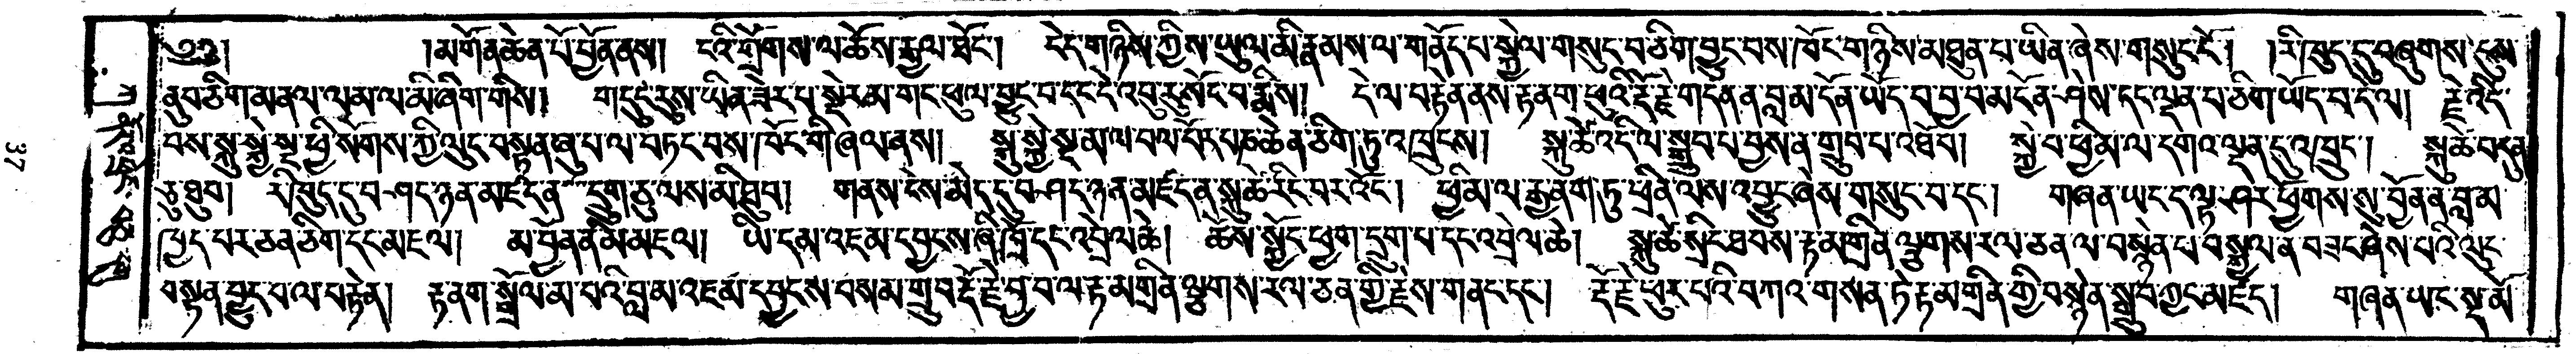༄༅། །མགོན་ཆེན་པོ་བྱོན་ནས། ངའི་གྲོགས་ལ་ཆོས་རྒྱལ་ཐོང་། ངེད་གཉིས་ཀྱིས་ཡུལ་མི་རྣམས་ལ་གནོད་པ་སྐྱེལ་གསུང་བ་ཅིག་བྱུང་བས་ཁོང་གཉིས་མཐུན་པ་ཡིན་ཞེས་གསུང་ངོ། །རི་ཁུད་དུ་བཞུགས་དུས་
ནུབ་ཅིག་མནལ་ལམ་ལ་མི་ཞིག་གིས། གདུང་རུས་ཡིན་ཟེར་པ་སྡེར་མ་གང་ཕུལ་བྱུང་བ་དང་དེ་འབུ་རུ་སོང་བ་རྨིས། དེ་ལ་བརྟེན་ནས་རྟ་ནག་ཕུའི་རྡོ་རྗེ་གདན་ན་བླ་མ་དོན་ཡོད་པ་བྱ་བ་མངོན་ཤེས་དང་ལྡན་པ་ཅིག་ཡོད་པ་དེ་ལ། རྗེ་འདི་
བས་སྐུ་སྐྱེ་སྔ་ཕྱི་སོགས་ཀྱི་ལུང་བསྟན་ཞུ་བ་ལ་བཏང་བས་ཁོང་གི་ཞལ་ནས། སྐུ་སྐྱེ་སྔ་མ་ལ་བལ་པོར་པཎ་ཆེན་ཅིག་ཏུ་འཁྲུངས། སྐུ་ཚེ་འདི་ལ་སྒྲུབ་པ་བྱས་ན་གྲུབ་པ་འཐོབ། སྐྱེ་བ་ཕྱི་མ་ལ་དགའ་ལྡན་དུ་འཁྲུང་། སྐུ་ཚེ་བདུན་
ཅུ་ཐུབ། རི་ཁུད་དུ་བཤད་ཉན་མཛད་ན་དྲུག་ཅུ་ལས་མི་ཐུབ། གནས་ངེས་མེད་དུ་བཤད་ཉན་མཛད་ན་སྐུ་ཚེ་རིང་བར་འོང་། ཕྱི་མ་ལ་རྒྱ་ནག་ཏུ་ཕྲིན་ལས་འབྱུང་ཞེས་གསུང་བ་དང་། གཞན་ཡང་ད་ལྟ་ཤར་ཕྱོགས་སུ་བྱོན་ན་བླ་མ་
ཁྱད་པར་ཅན་ཅིག་དང་མཇལ། མ་བྱོན་ནི་མ་མཇལ། ཡི་དམ་འཇམ་དབྱངས་ཞི་ཁྲོད་དང་འབྲེལ་ཆེ། ཆོས་སྐྱོང་ཕྱག་དྲུག་པ་དང་འབྲེལ་ཆེ། སྐུ་ཚེ་སྲིང་ཐབས་རྟ་མགྲིན་ལྕགས་རལ་ཅན་ལ་བསྙེན་པ་བསྐྱལ་ན་བཟང་ཞེས་པའི་ལུང་
བསྟན་བྱུང་བ་ལ་བརྟེན། རྟ་ནག་སྒྲོལ་མ་བའི་བླ་མ་འཇམ་དབྱངས་བསམ་གྲུབ་རྡོ་རྗེ་བྱ་བ་ལ་རྟ་མགྲིན་ལྕགས་རལ་ཅན་གྱི་རྗེས་གནང་དང་། རྡོ་རྗེ་ཕུར་བའི་བཀའ་གསན་ཏེ་རྟ་མགྲིན་གྱི་བསྙེན་སྒྲུབ་ཀྱང་མཛད། གཞན་ཡང་སྔ་མོ་